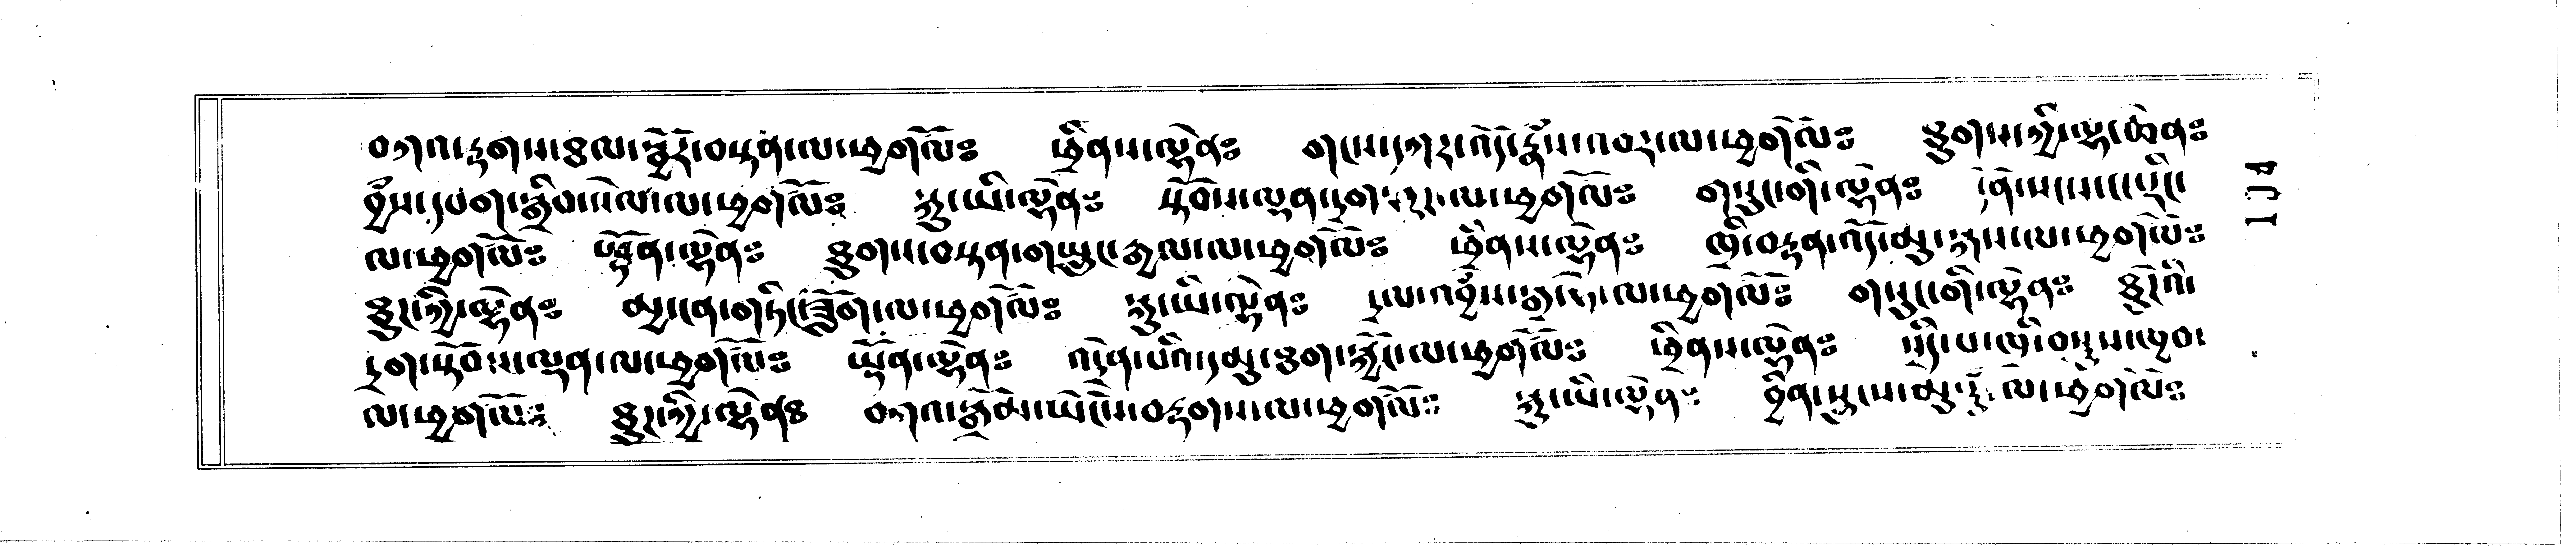བཀའ་རྟགས་ཐལ་སྦྱོར་སྟོན་ལ་ཕྱག་འཚལ་ལོཿ ཕྲིན་ལས་ཀྱི་ལྷ་ཆེནཿ གངས་དཀར་འོད་རྣམས་འབར་ལ་ཕྱག་འཚལ་ལོཿ ཐུགས་ཀྱི་ལྷ་ཆེནཿ
 བྱམས་དཔག་སྒྲིབ་སེལ་ལ་ཕྱག་འཚལ་ལོཿ སྐུ་ཡི་ལྷ་ཆེནཿ སྟོབས་ལྡན་དྲག་ཤུགས་ལ་ཕྱག་འཚལ་ལོཿ གསུང་གི་ལྷ་ཆེནཿ དོན་གསང་ངང་རིང་
ལ་ཕྱག་འཚལ་ལོཿ ཡོན་ཏན་གྱི་ལྷ་ཆེནཿ ཐུགས་བསྟན་གཡུང་དྲུང་རྒྱལ་ལ་ཕྱག་འཚལ་ལོཿ ཕྲིན་ལས་ཀྱི་ལྷ་ཆེནཿ ཁྲི་བརྟན་འོད་མུ་སྐས་ལ་ཕྱག་འཚལ་ལོཿ
 ཐུགས་ཀྱི་ལྷ་ཆེནཿ མྱ་ངན་གཏིང་ཟློག་ལ་ཕྱག་འཚལ་ལོཿ སྐུ་ཡི་ལྷ་ཆེནཿ དྲལ་འབྱམས་སྒྲ་ཧེ་ལ་ཕྱག་འཚལ་ལོཿ གསུང་གི་ལྷ་ཆེནཿ ཐུགས་རྗེའི་
དྲག་སྟོབས་ལྡན་ལ་ཕྱག་འཚལ་ལོཿ ཡོན་ཏན་གྱི་ལྷ་ཆེནཿ འདྲེན་པའི་དམུ་ཐག་སྐྱོང་ལ་ཕྱག་འཚལ་ལོཿ ཕྲིན་ལས་ཀྱི་ལྷ་ཆེནཿ སྲིད་པ་ཁྲི་བསྡུས་ཁྱབ་
པ་ལ་ཕྱག་འཚལ་ལོཿ ཐུགས་ཀྱི་ལྷ་ཆེནཿ བཀའ་སྒྲོམ་ཡོངས་བརྟགས་ལ་ཕྱག་འཚལ་ལོཿ སྐུ་ཡི་ལྷ་ཆེནཿ བྱི་སྤུངས་མུ་རུམ་ལ་ཕྱག་འཚལ་ལོཿ